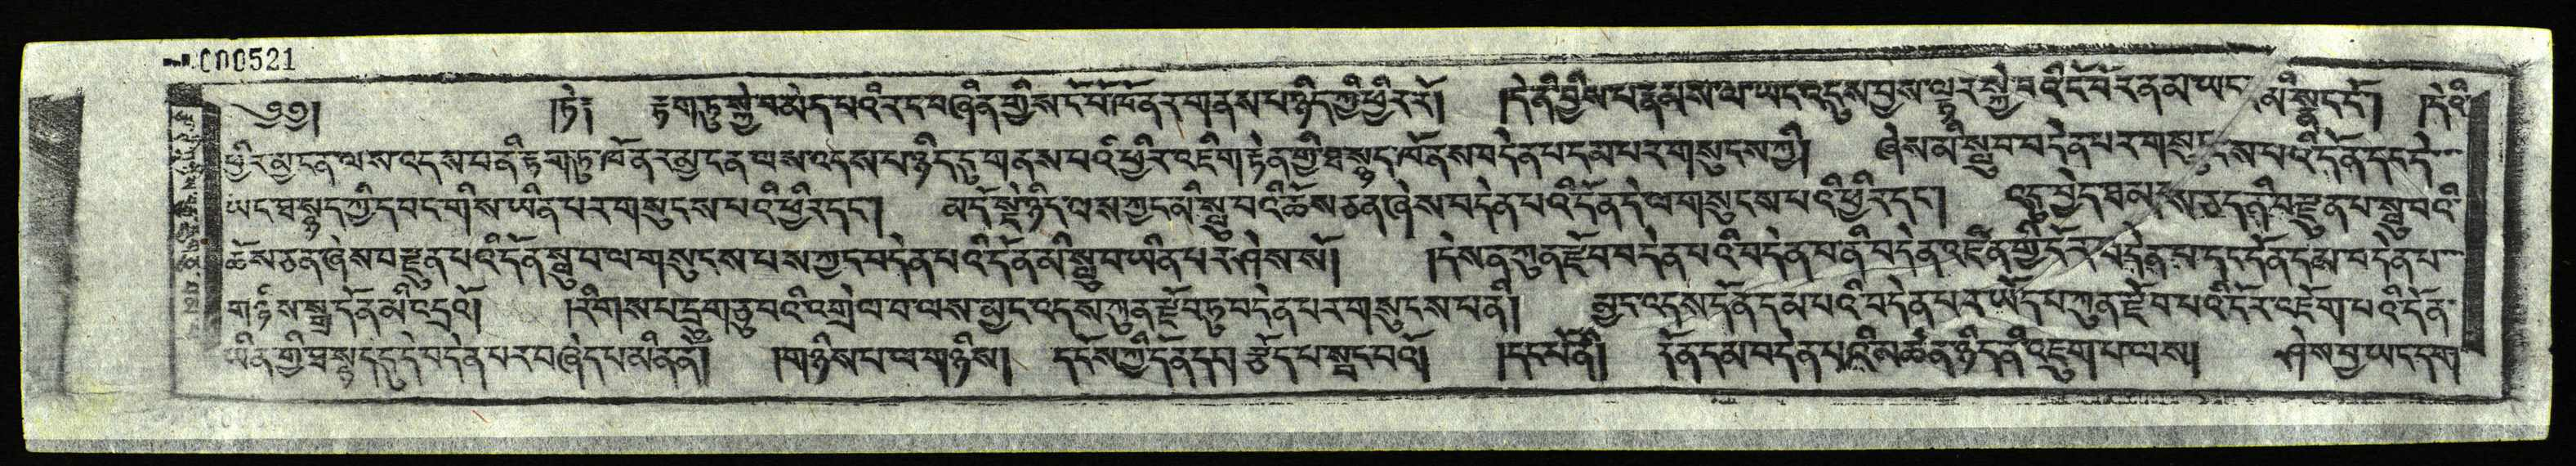༄༅། །ཏེ༑ རྟག་ཏུ་སྐྱེ་བ་མེད་པའི་རང་བཞིན་གྱིས་ངོ་བོ་ཁོ་ནར་གནས་པ་ཉིད་ཀྱི་ཕྱིར་རོ། །དེ་ནི་བྱིས་པ་རྣམས་ལ་ཡང་འདུས་བྱས་ལྟར་སྐྱེ་བའི་ངོ་བོར་ནམ་ཡང་མི་སྣང་ངོ། །དེའི་
ཕྱིར་མྱ་ངན་ལས་འདས་བ་ནི་རྟག་ཏུ་ཁོ་ནར་མྱ་ངན་ལས་འདས་པ་ཉིད་དུ་གནས་པའི་ཕྱིར་འཇིག་རྟེན་གྱི་ཐ་སྙད་ཁོ་ནས་བདེན་པ་དམ་པར་གསུངས་ཀྱི། ཞེས་མི་སུ་བ་བདེན་པར་གསུངས་པའི་དོན་དང་དེ་
ཡང་ཐ་སྙད་ཀྱི་དབང་གིས་ཡིན་པར་གསུངས་པའི་ཕྱིར་དང་། མདོ་སྡེ་ཉིད་ལས་ཀྱང་མི་སླུ་བའི་ཆོས་ཅན་ཞེས་བདེན་པའི་དོན་དེ་ལ་གསུངས་པའི་ཕྱིར་དང་། འདུ་བྱེད་ཐམས་ཅད་ནི་བརྫུན་པ་སླུ་བའི་
ཆོས་ཅན་ཞེས་བརྫུན་པའི་དོན་སླུ་བ་ལ་གསུངས་པས་ཀྱང་བདེན་པའི་དོན་མི་སླུ་བ་ཡིན་པར་ཤེས་སོ། །དེས་ན་ཀུན་རྫོབ་བདེན་པའི་བདེན་པ་ནི་བདེན་འཛིན་གྱི་ངོར་བདེན་པ་དང་དོན་དམ་བདེན་པ་
གཉིས་སྒྲ་དོན་མི་འདྲའོ། །རིགས་པ་དྲུག་ཅུ་པའི་འགྲེལ་པ་ལས་མྱང་འདས་ཀུན་རྫོབ་ཏུ་བདེན་པར་གསུངས་པ་ནི། མྱང་འདས་དོན་དམ་པའི་བདེན་པར་ཡོད་པ་ཀུན་རྫོབ་པའི་ངོར་འཇོག་པའི་དོན་
ཡིན་གྱི་ཐ་སྙད་དུ་དེ་བདེན་པར་བཞེད་པ་མིན་ནོ། །གཉིས་པ་ལ་གཉིས། དངོས་ཀྱི་དོན་དང་། རྩོད་པ་སྤང་བའོ། །དང་པོ་ནི། དོན་དམ་བདེན་པའི་མཚན་ཉིད་ནི་འཇུག་པ་ལས། ཤེས་བྱ་ཡང་དག་